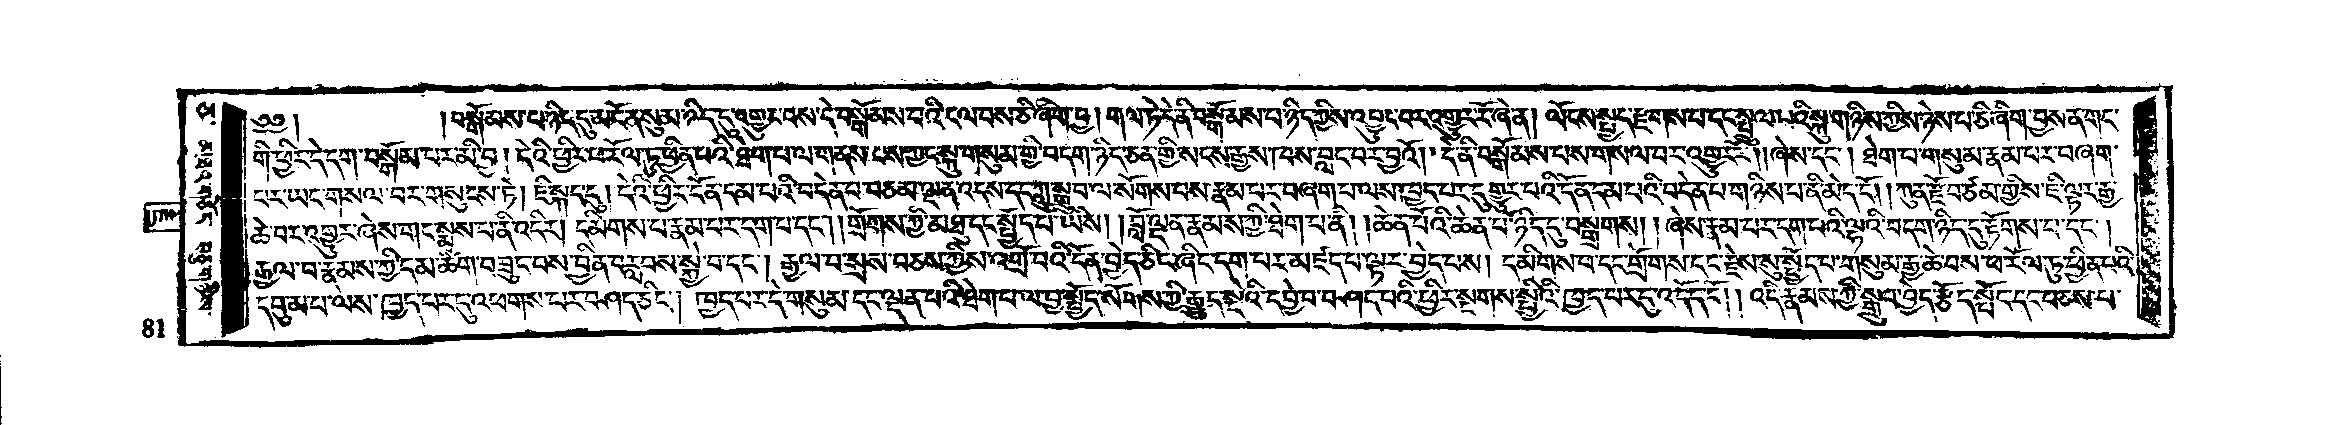༄༅། །བསྒོམས་པ་ཉིད་དུ་མངོན་སུམ་ཉིད་དུ་འགྱུར་བས་དེ་བསྒོམས་པའི་ངལ་བས་ཅི་ཞིག་བྱ། གལ་ཏེ་དེ་ནི་བསྒོམས་པ་ཉིད་ཀྱིས་འབྱུང་བར་འགྱུར་རོ་ཞེ་ན། ལོངས་སྤྱོད་རྫོགས་པ་དང་སྤྲུལ་པའི་སྐུ་གཉིས་ཀྱིས་ཉེས་པ་ཅི་ཞིག་བྱས་ན་གང་
གི་ཕྱིར་དེ་དག་བསྒོམ་པར་མི་བྱ། དེའི་ཕྱིར་ཕ་རོལ་ཏུ་ཕྱིན་པའི་ཐེག་པ་ལ་གནས་པས་ཀྱང་སྐུ་གསུམ་གྱི་བདག་ཉིད་ཅན་གྱི་སངས་རྒྱས་ཁས་བླང་བར་བྱའོ། །དེ་ནི་བསྒོམས་པས་གསལ་བར་འགྱུར་རོ། །ཞེས་དང་། ཐེག་པ་གསུམ་རྣམ་པར་བཞག་
པར་ཡང་གསལ་བར་གསུངས་ཏེ། ཇི་སྐད་དུ། དེའི་ཕྱིར་དོན་དམ་པའི་བདེན་པ་བཅོམ་ལྡན་འདས་དང་ཀླུ་སྒྲུབ་ལ་སོགས་པས་རྣམ་པར་བཞག་པ་ལས་ཁྱད་པར་དུ་གྱུར་པའི་དོན་དམ་པའི་བདེན་པ་གཉིས་པ་ནི་མེད་དོ། །ཀུན་རྫོབ་ཙམ་གྱིས་ཇི་ལྟར་རྒྱ་
ཆེ་བར་འགྱུར་ཞེས་གང་སྨྲས་པ་ནི་འདིར། དམིགས་པ་རྣམ་པར་དག་པ་དང་། །གྲོགས་ཀྱི་མཐུ་དང་སྤྱོད་པ་ཡིས། །བློ་ལྡན་རྣམས་ཀྱི་ཐེག་པ་ནི། །ཆེན་པོའི་ཆེན་པོ་ཉིད་དུ་བསྒྲགས། །ཞེས་རྣམ་པར་དག་པའི་ལྷའི་བདག་ཉིད་དུ་རྟོགས་པ་དང་།
རྒྱལ་བ་རྣམས་ཀྱི་དམ་ཚིག་བཟུང་བས་བྱིན་བརླབས་སྐྱེ་བ་དང་། རྒྱལ་བ་སྲས་བཅས་ཀྱིས་འགྲོ་བའི་དོན་བྱེད་ཅིང་ཞིང་དག་པར་མཛད་པ་ལྟར་བྱེད་པས། དམིགས་པ་དང་གྲོགས་དང་རྗེས་སུ་སྤྱོད་པ་གསུམ་རྒྱ་ཆེ་བས་ཕ་རོལ་ཏུ་ཕྱིན་པའི་
དབུ་མ་པ་ལས་ཁྱད་པར་དུ་འཕགས་པར་བཤད་ཅིང་། ཁྱད་པར་དེ་གསུམ་དང་ལྡན་པའི་ཐེག་པ་ལ་བྱ་སྤྱོད་སོགས་ཀྱི་རྒྱུད་སྡེའི་དབྱེ་བ་བཤད་པའི་ཕྱིར་སྔགས་སྤྱིའི་ཁྱད་པར་དུ་འདོད་དོ། །འདི་རྣམས་ཀྱི་སྒྲུབ་བྱེད་རྩོད་སྤོང་དང་བཅས་པ་